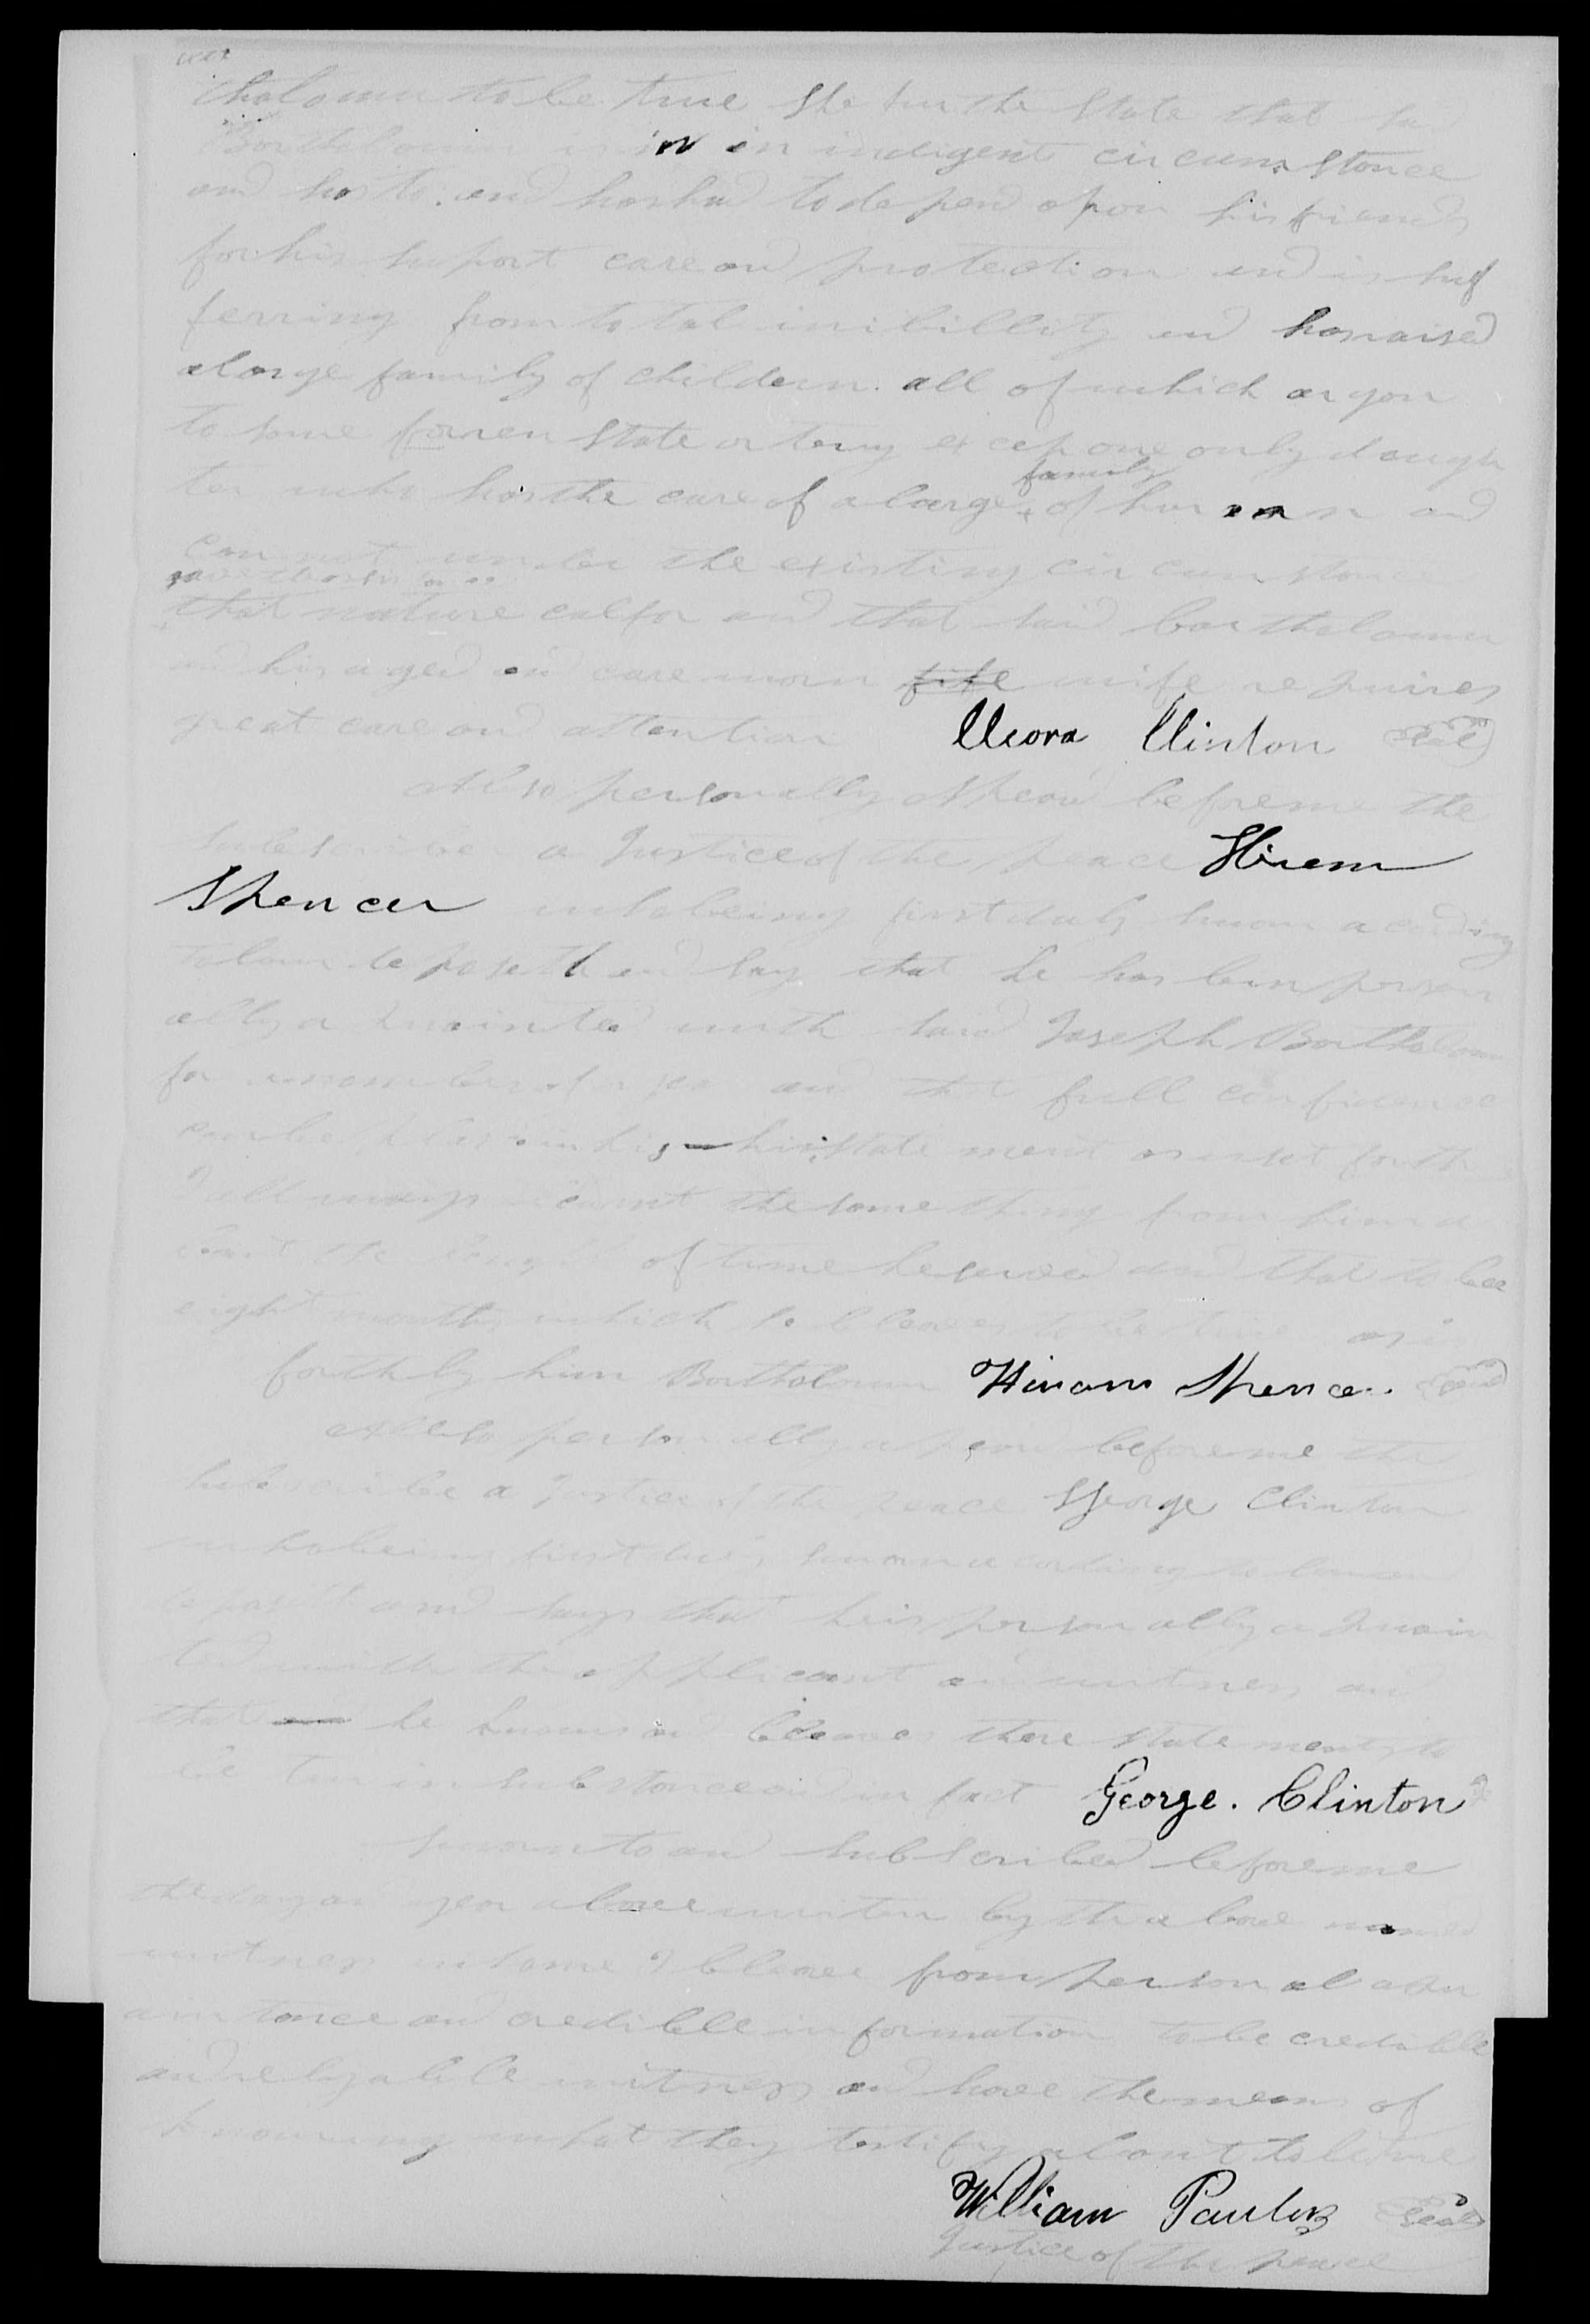tholomew to be true she further state that said
Bartholomew is in indigent circumstance
and ?her to? and has had to depend upon his friends
for his support care and protection and is suf-
fering from total inability and has raised a
large family of childern, all of which are gone
to some foreign state or terry except one only daugh-
ter who has the care of a large family of her own and
cannot under the existing circumstances provide the
assistance that nuture call for and that said Bartholomew
his aged and careworn wife requires
great care and attention
Cleora Clinton
also personally came before me the
before me a Justice of the peace Hirem
Spencer who being first duly sworn according
to law deposeth and say that he has been person-
ally aquainted with said Joseph Bartholomew
for a number of years and that full confidence
?who are in his? his statement as is set forth
the court the some thing from him
of time heard and that to be
eight months which sale to be the
forthly ham Bartholomew Hiram Spencer
All person all all on before me the
be a Justice of the Peace George Clinton
who being first sending
and says that his personally aquainted
with the applicant witness an
that he knows and leave these statement to
in substance and in fact George Clinton
unto and subscribed before me
the day and year above writen by the above named
the same above from personal
and once and credible information to be credible
and reliable witness and have the men of
knowing what they certify about to line
William Paulus
Justice of the peace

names: Hirem Spencer, Cleora Clinton, Joseph Bartholomew, George Clinton, William Paulus, Hiram Spencer, George Clinton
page: 63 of 76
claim: widow's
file: W. 9345, Joseph Bartholomew, Conn.